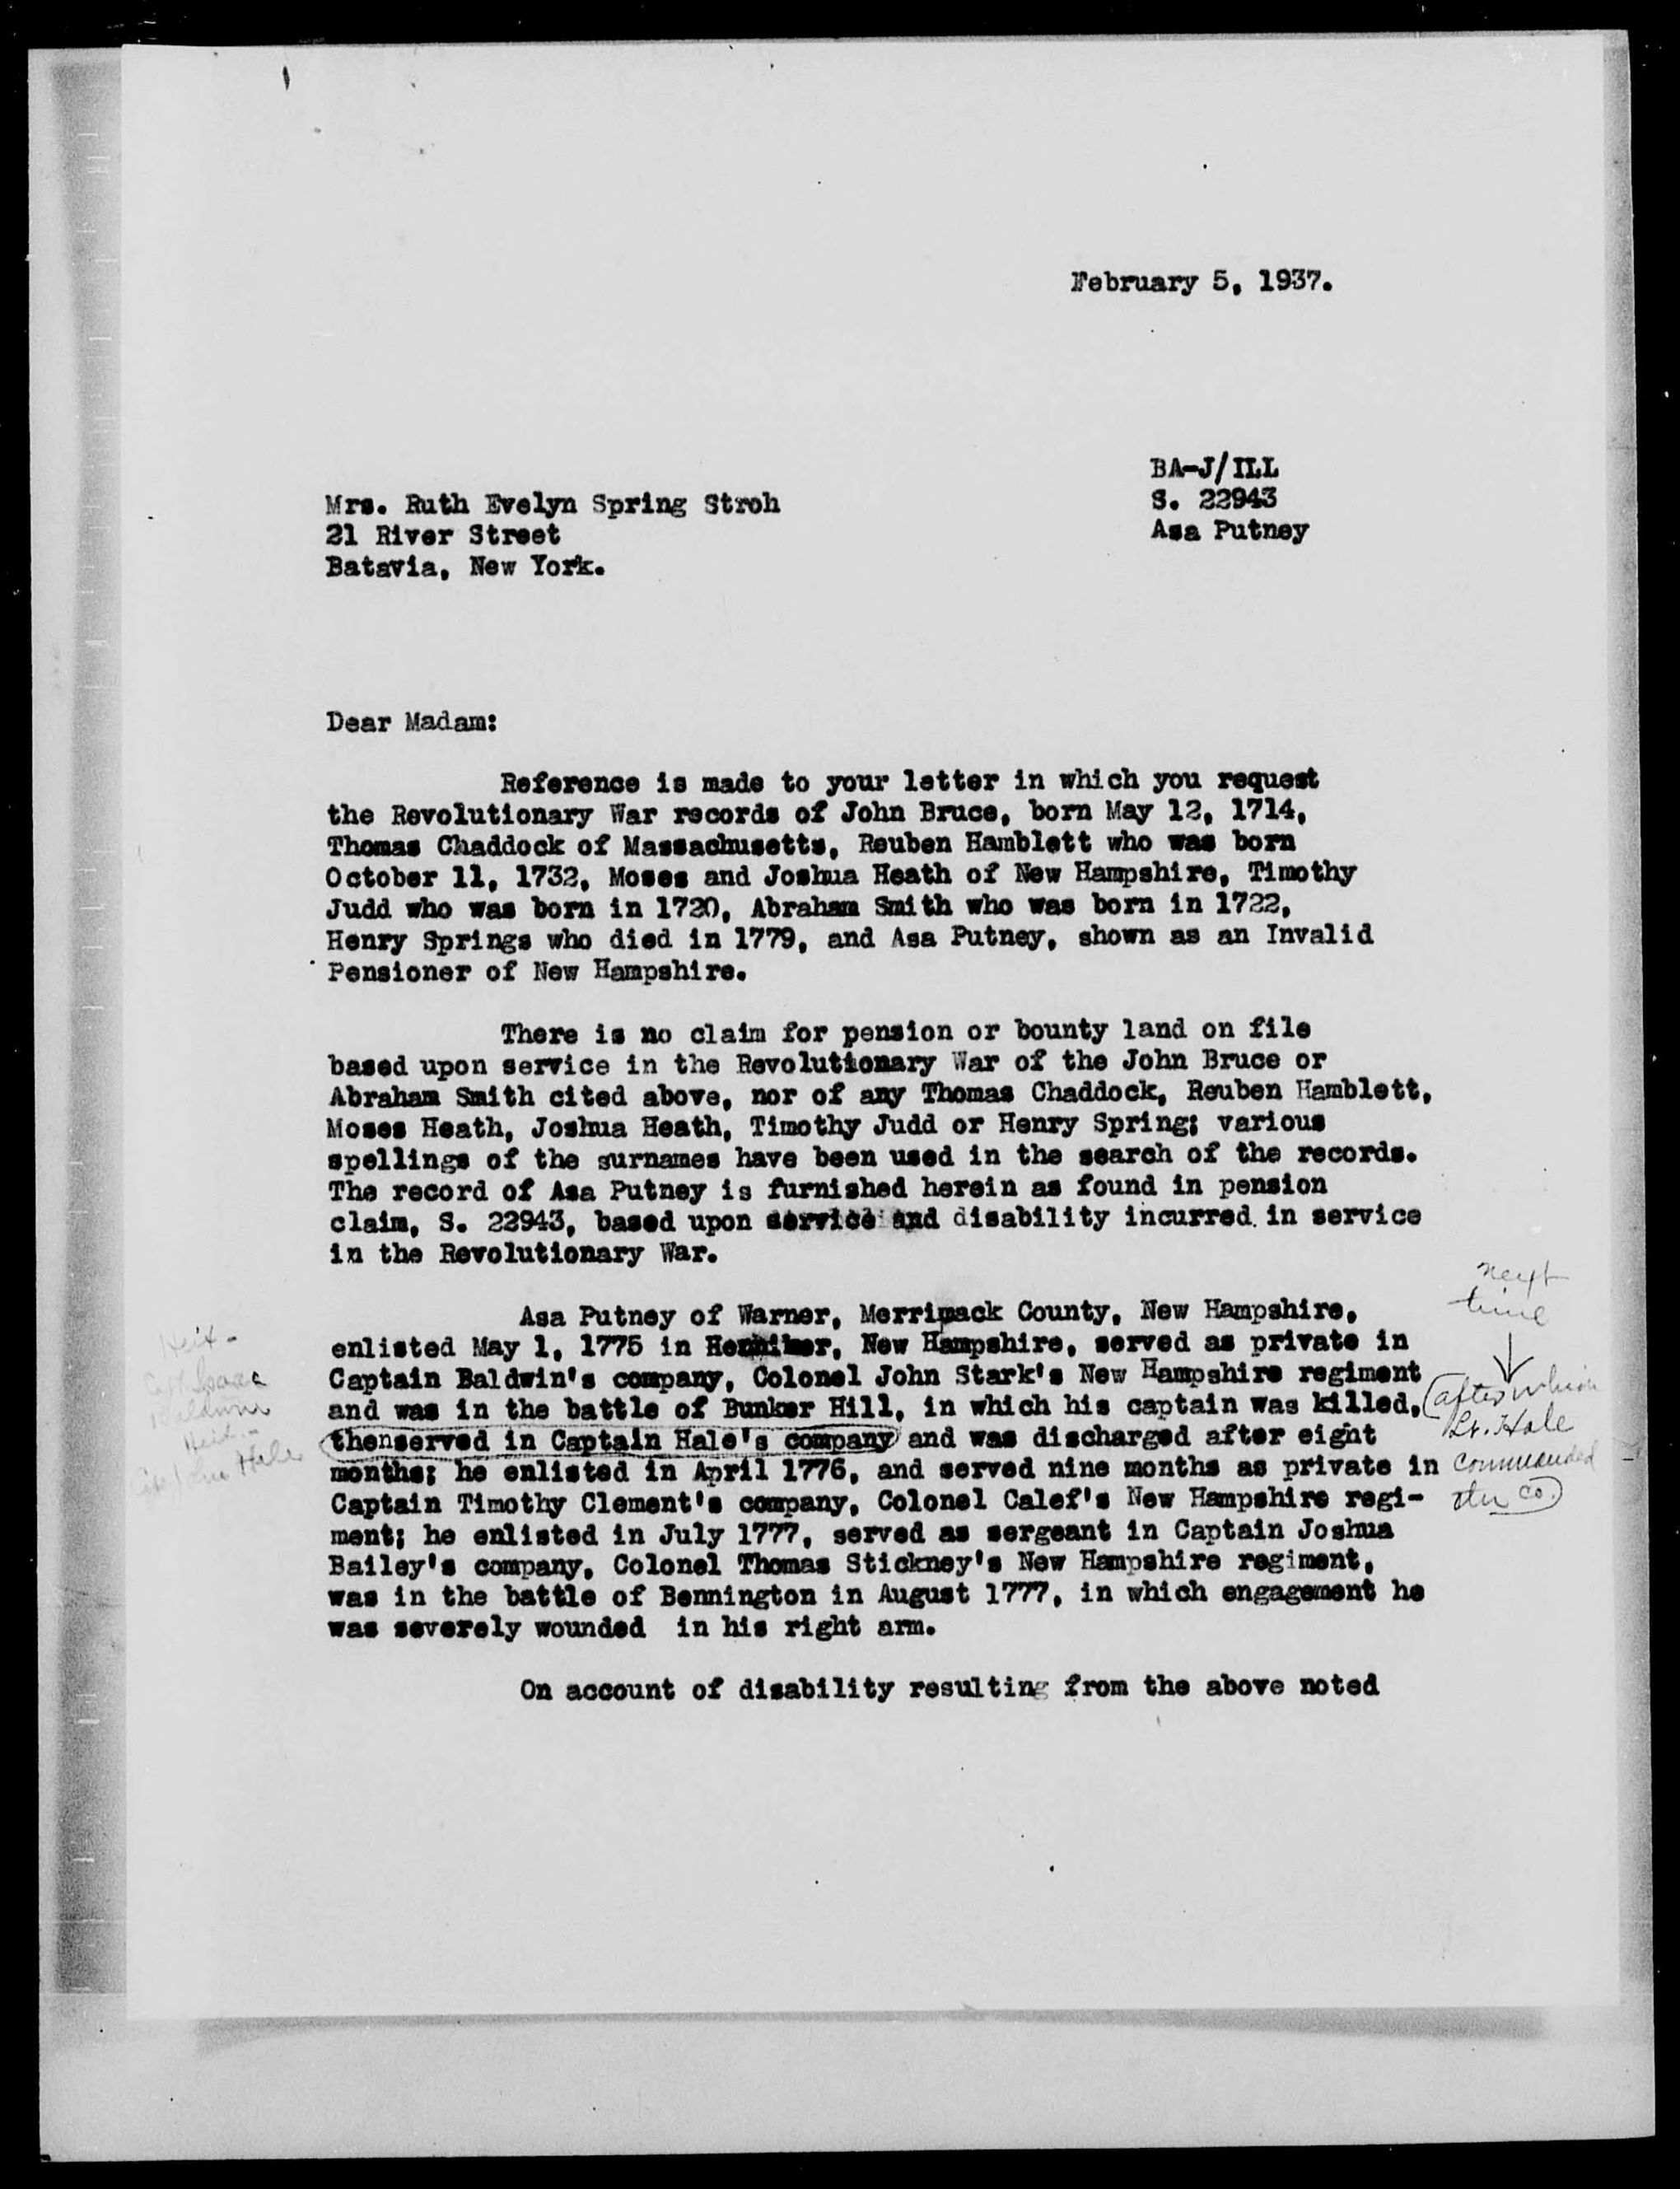February 5, 1937.

BA-J/ILL
S. 22943
Asa Putney

Mrs. Ruth Evelyn Spring Stroh
21 River Street
Batavia, New York.

Dear Madam:

Reference is made to your letter in which you request the Revolutionary War records of John Bruce, born May 12 1714, Thomas Chaddock of Massachusetts, Reuben Hamblett who was born October 11, 1732, Moses and Joshua Heath of New Hampshire, Timothy Judd who was born in 1720, Abraham Smith who was born in 1722, Henry Springs who died in 1779, and Asa Putney, shown as an Invalid Pensioner of New Hampshire.

There is no claim for pension or bounty land on file based upon service in the Revolutionary War of the John Bruce or Abraham Smith cited above, nor of any Thomas Chaddock, Reuben Hamblett, Moses Heath, Joshua Heath, Timothy Judd or Henry Spring; various spellings of the surnames have been used in the search of the records.  The record of Asa Putney is furnished herein as found in pension claim, S. 22943, based upon service and disability incurred in service in the Revolutionary War.

Asa Putney of Warner, Merrimack County, New Hampshire, enlisted May 1, 1775 in Henniker, New Hampshire, served as private in Captain Baldwin's company, Colonel John Stark's New Hampshire regiment and was in the battle of Bunker Hill, in which his captain was killed, [written in the right margin next to this sentence "next time (after which Lt. Hale commanded other co.)"] then served in Captain Hale's company [written in left margin "Reid--Capt. Isaac Baldwin  Reid--Capt. John Hale"] and was discharged after eight months; he enlisted in April 1776, and served nine months as private in Captain Timothy Clement's company, Colonel Calef's New Hampshire regiment; he enlisted in July 1777, served as sergeant in Captain Joshua Bailey's company, Colonel Thomas Stickney's New Hampshire regiment, was in the battle of Bennington in August 1777, in which engagement he was severely wounded in his right arm.

On account of disability resulting from the above noted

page: 7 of 14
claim: survivor's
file: S. 22943, for Asa Putney, New Hampshire